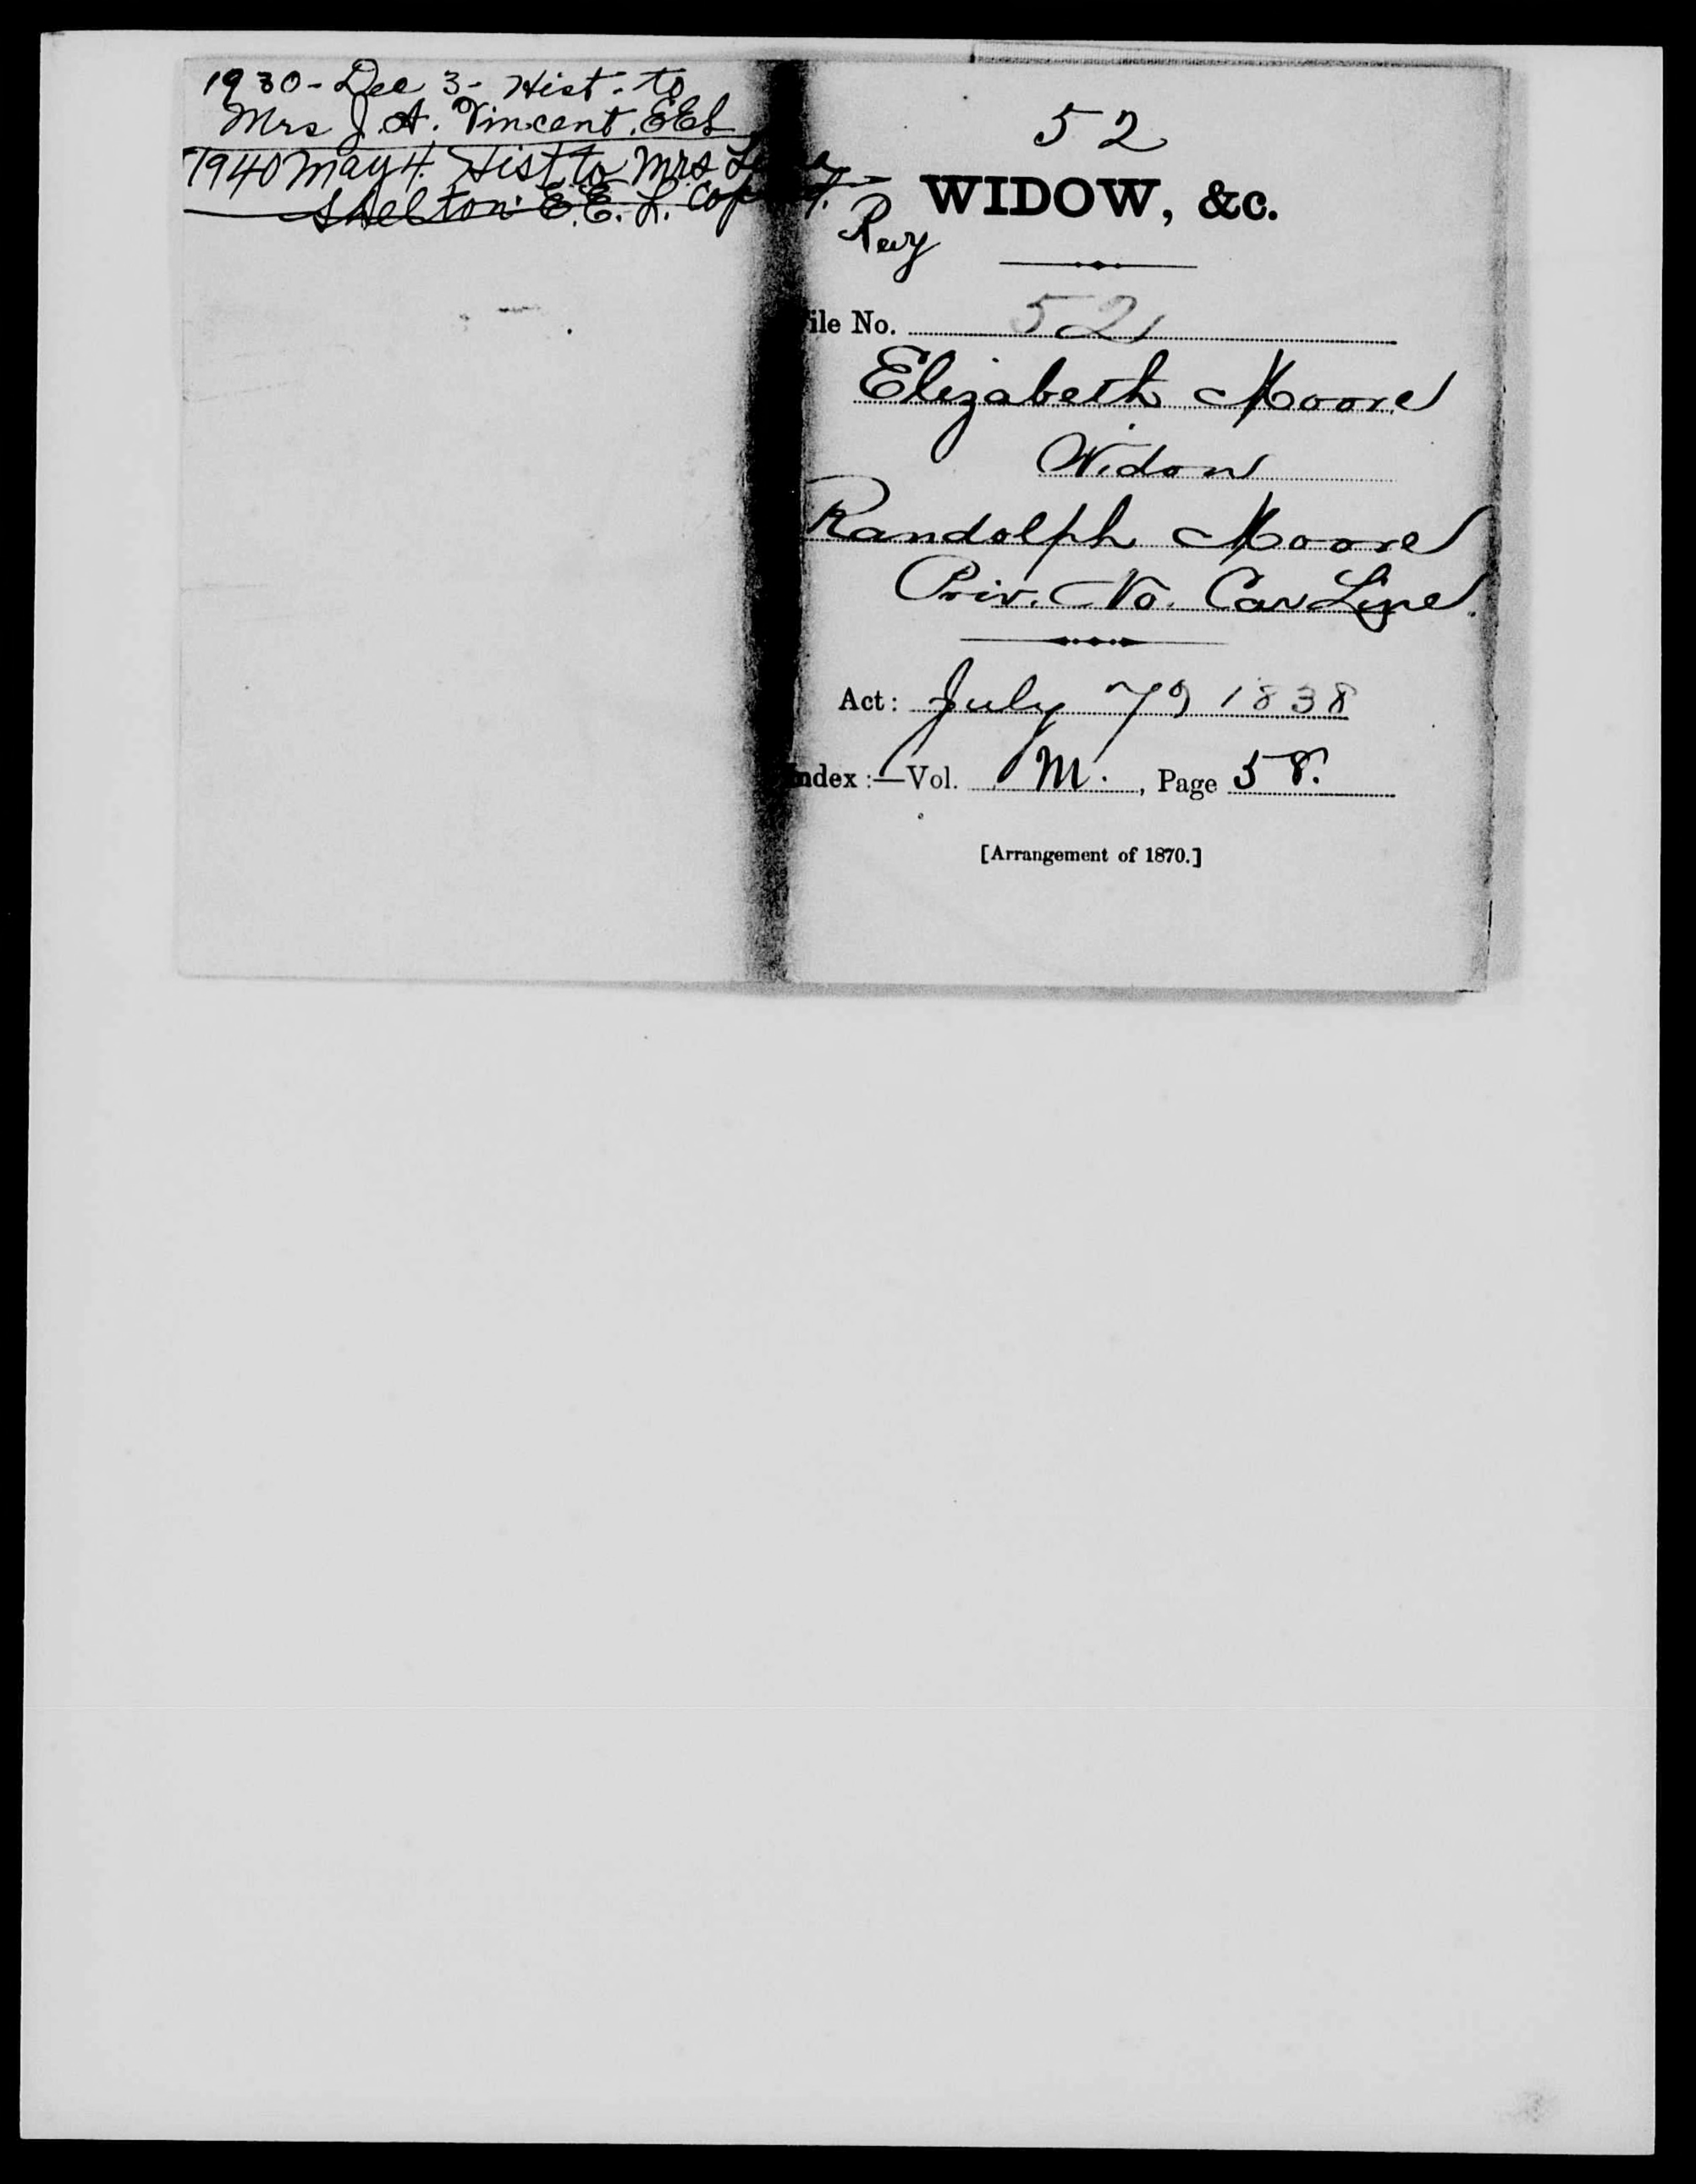1930 - Dec. 3 -  Hist. to Mrs. J. A. Vincent. EEL
___________________________________________________
1940 May 4. Hist. to Mrs. Leona Shelton. E E. L. copied
__________________________________________________

52
Rev'y WIDOW, &c.
________________
File No. 52
Elizabeth Moore
Widow
Randolph Moore
Priv. No. Car. Line
_________________
Act: July 7, 1838
Index:-Vol. M., Page 58.

[Arrangment of 1870.]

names: Leona Shelton; Randolph Moore; Elizabeth Moore; J A Vincent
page: 32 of 33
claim: widow's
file: W. 52, for Randolph Moore, North Carolina